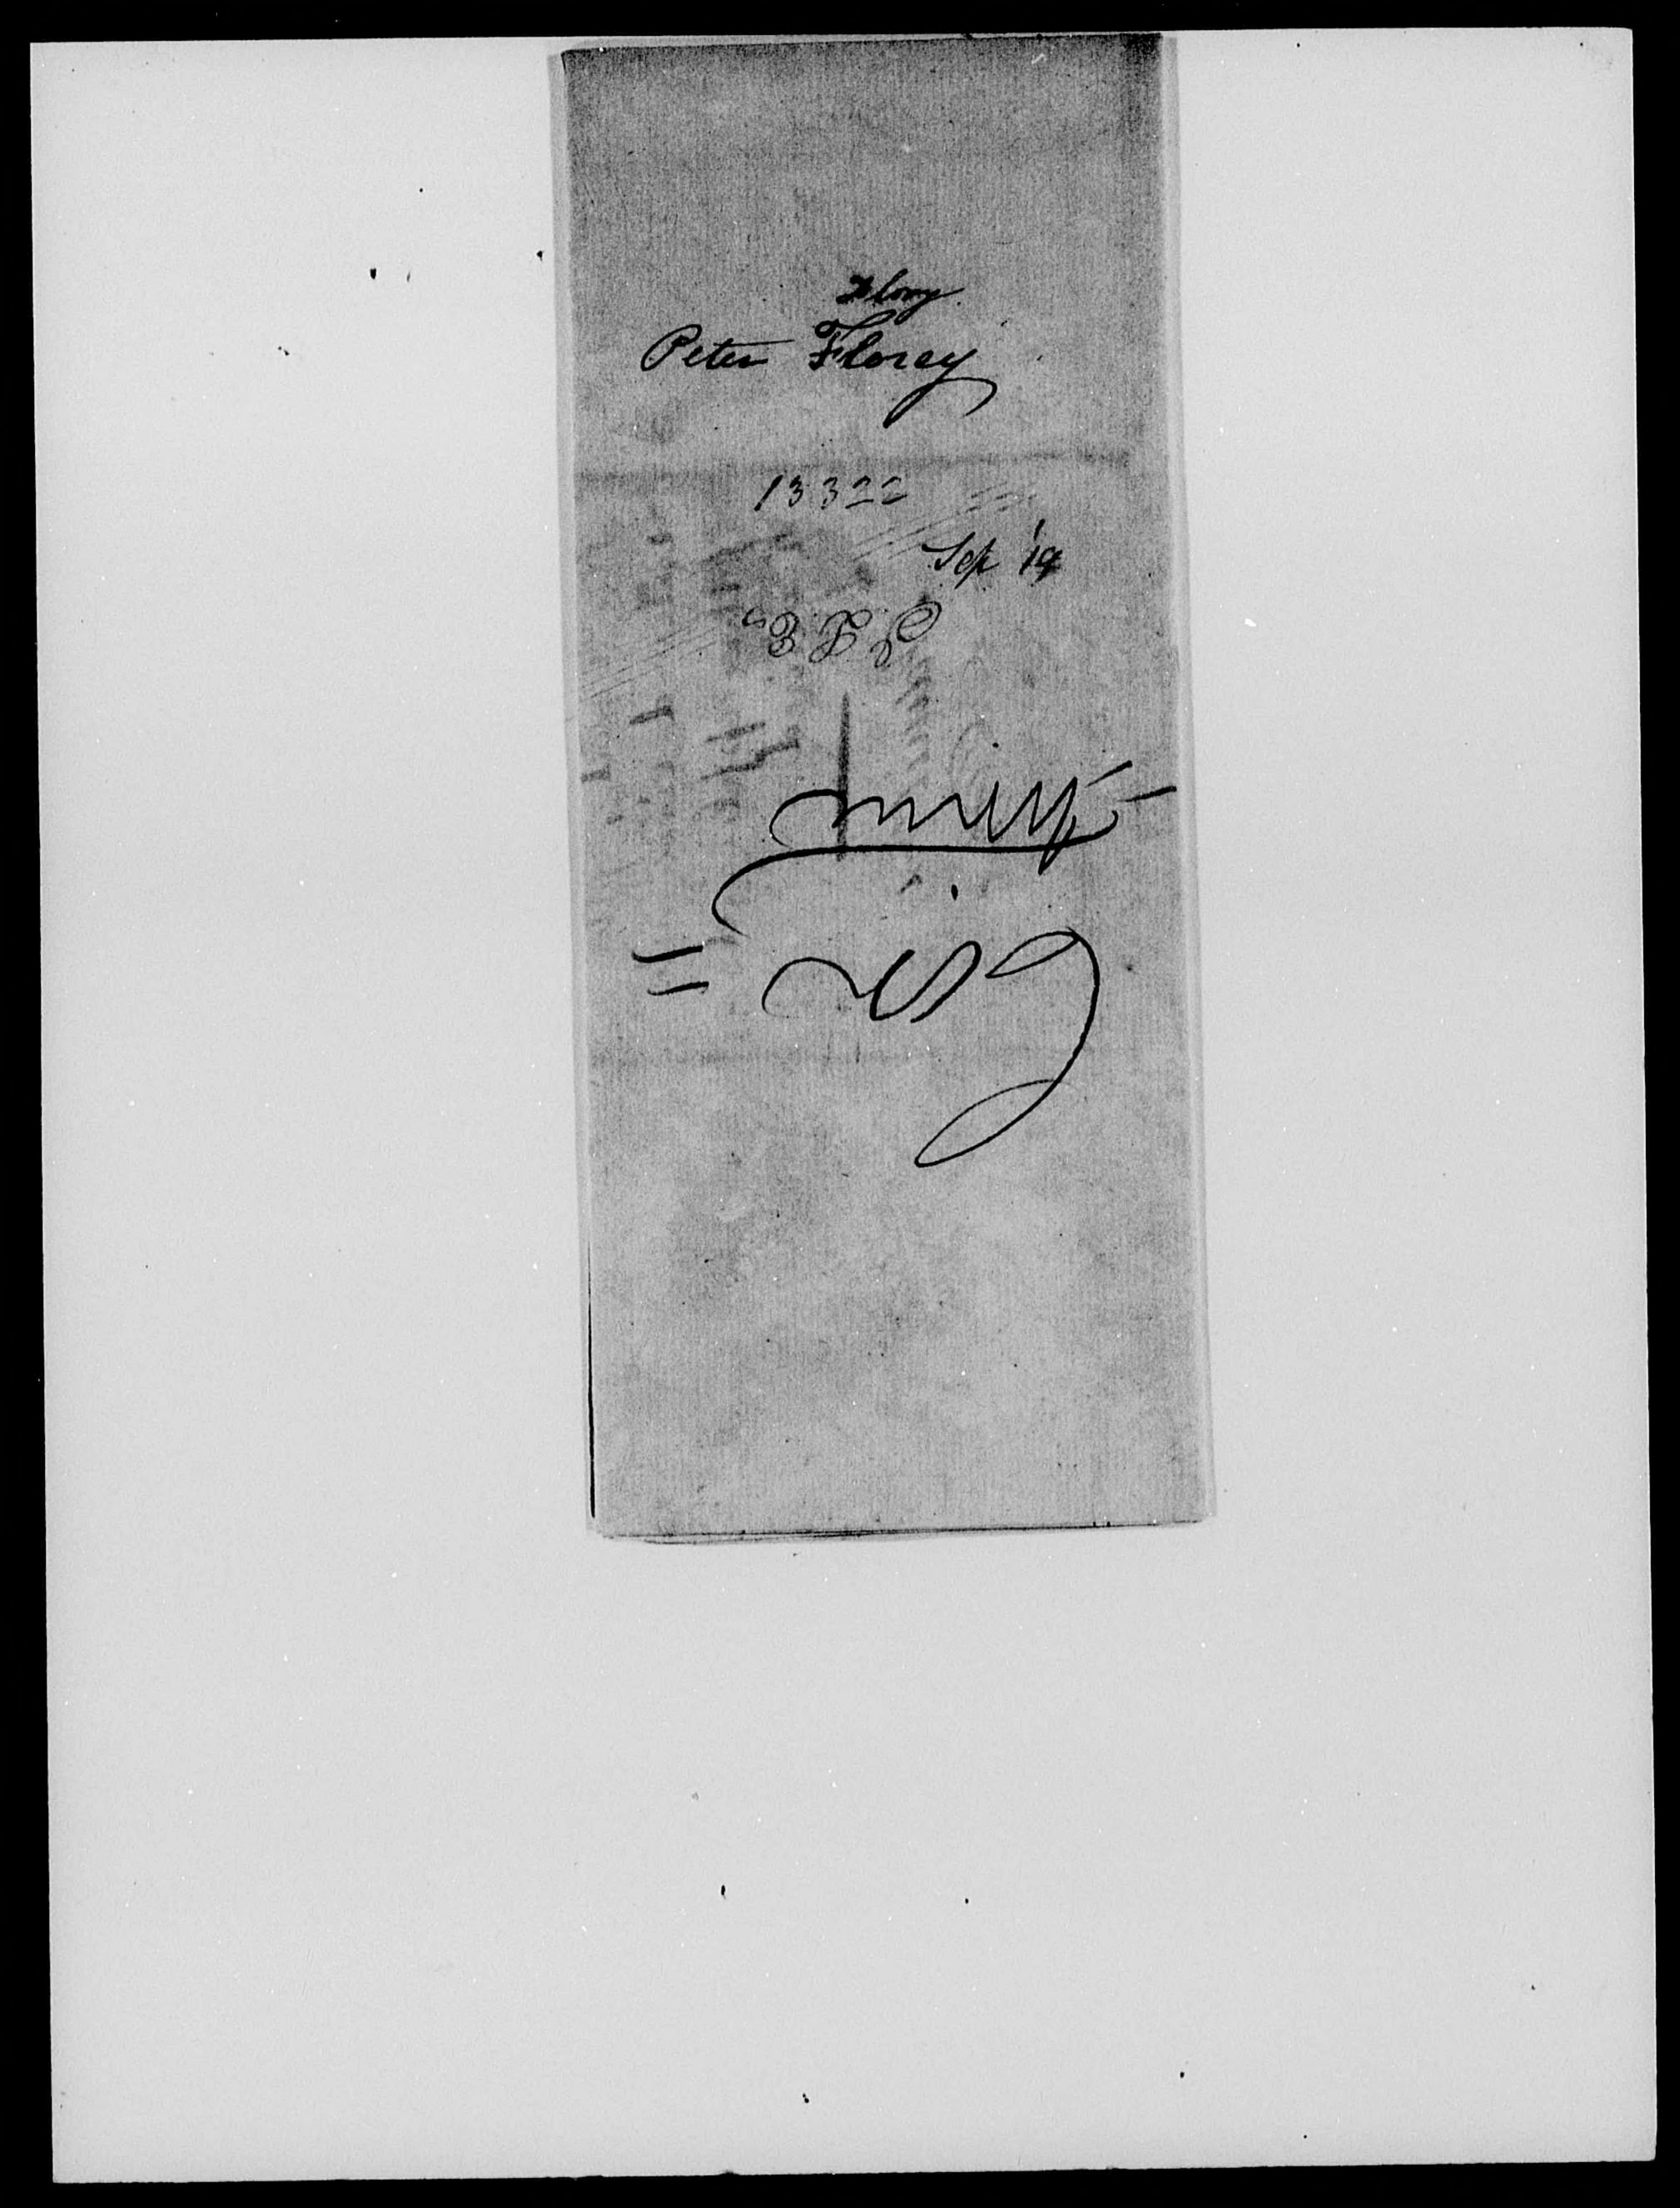Flory
Peter Florey
13322
Sept '19
BFP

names: Peter Florey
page: 8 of 11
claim: survivor's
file: S. 42,197, Peter Flory, Penn.